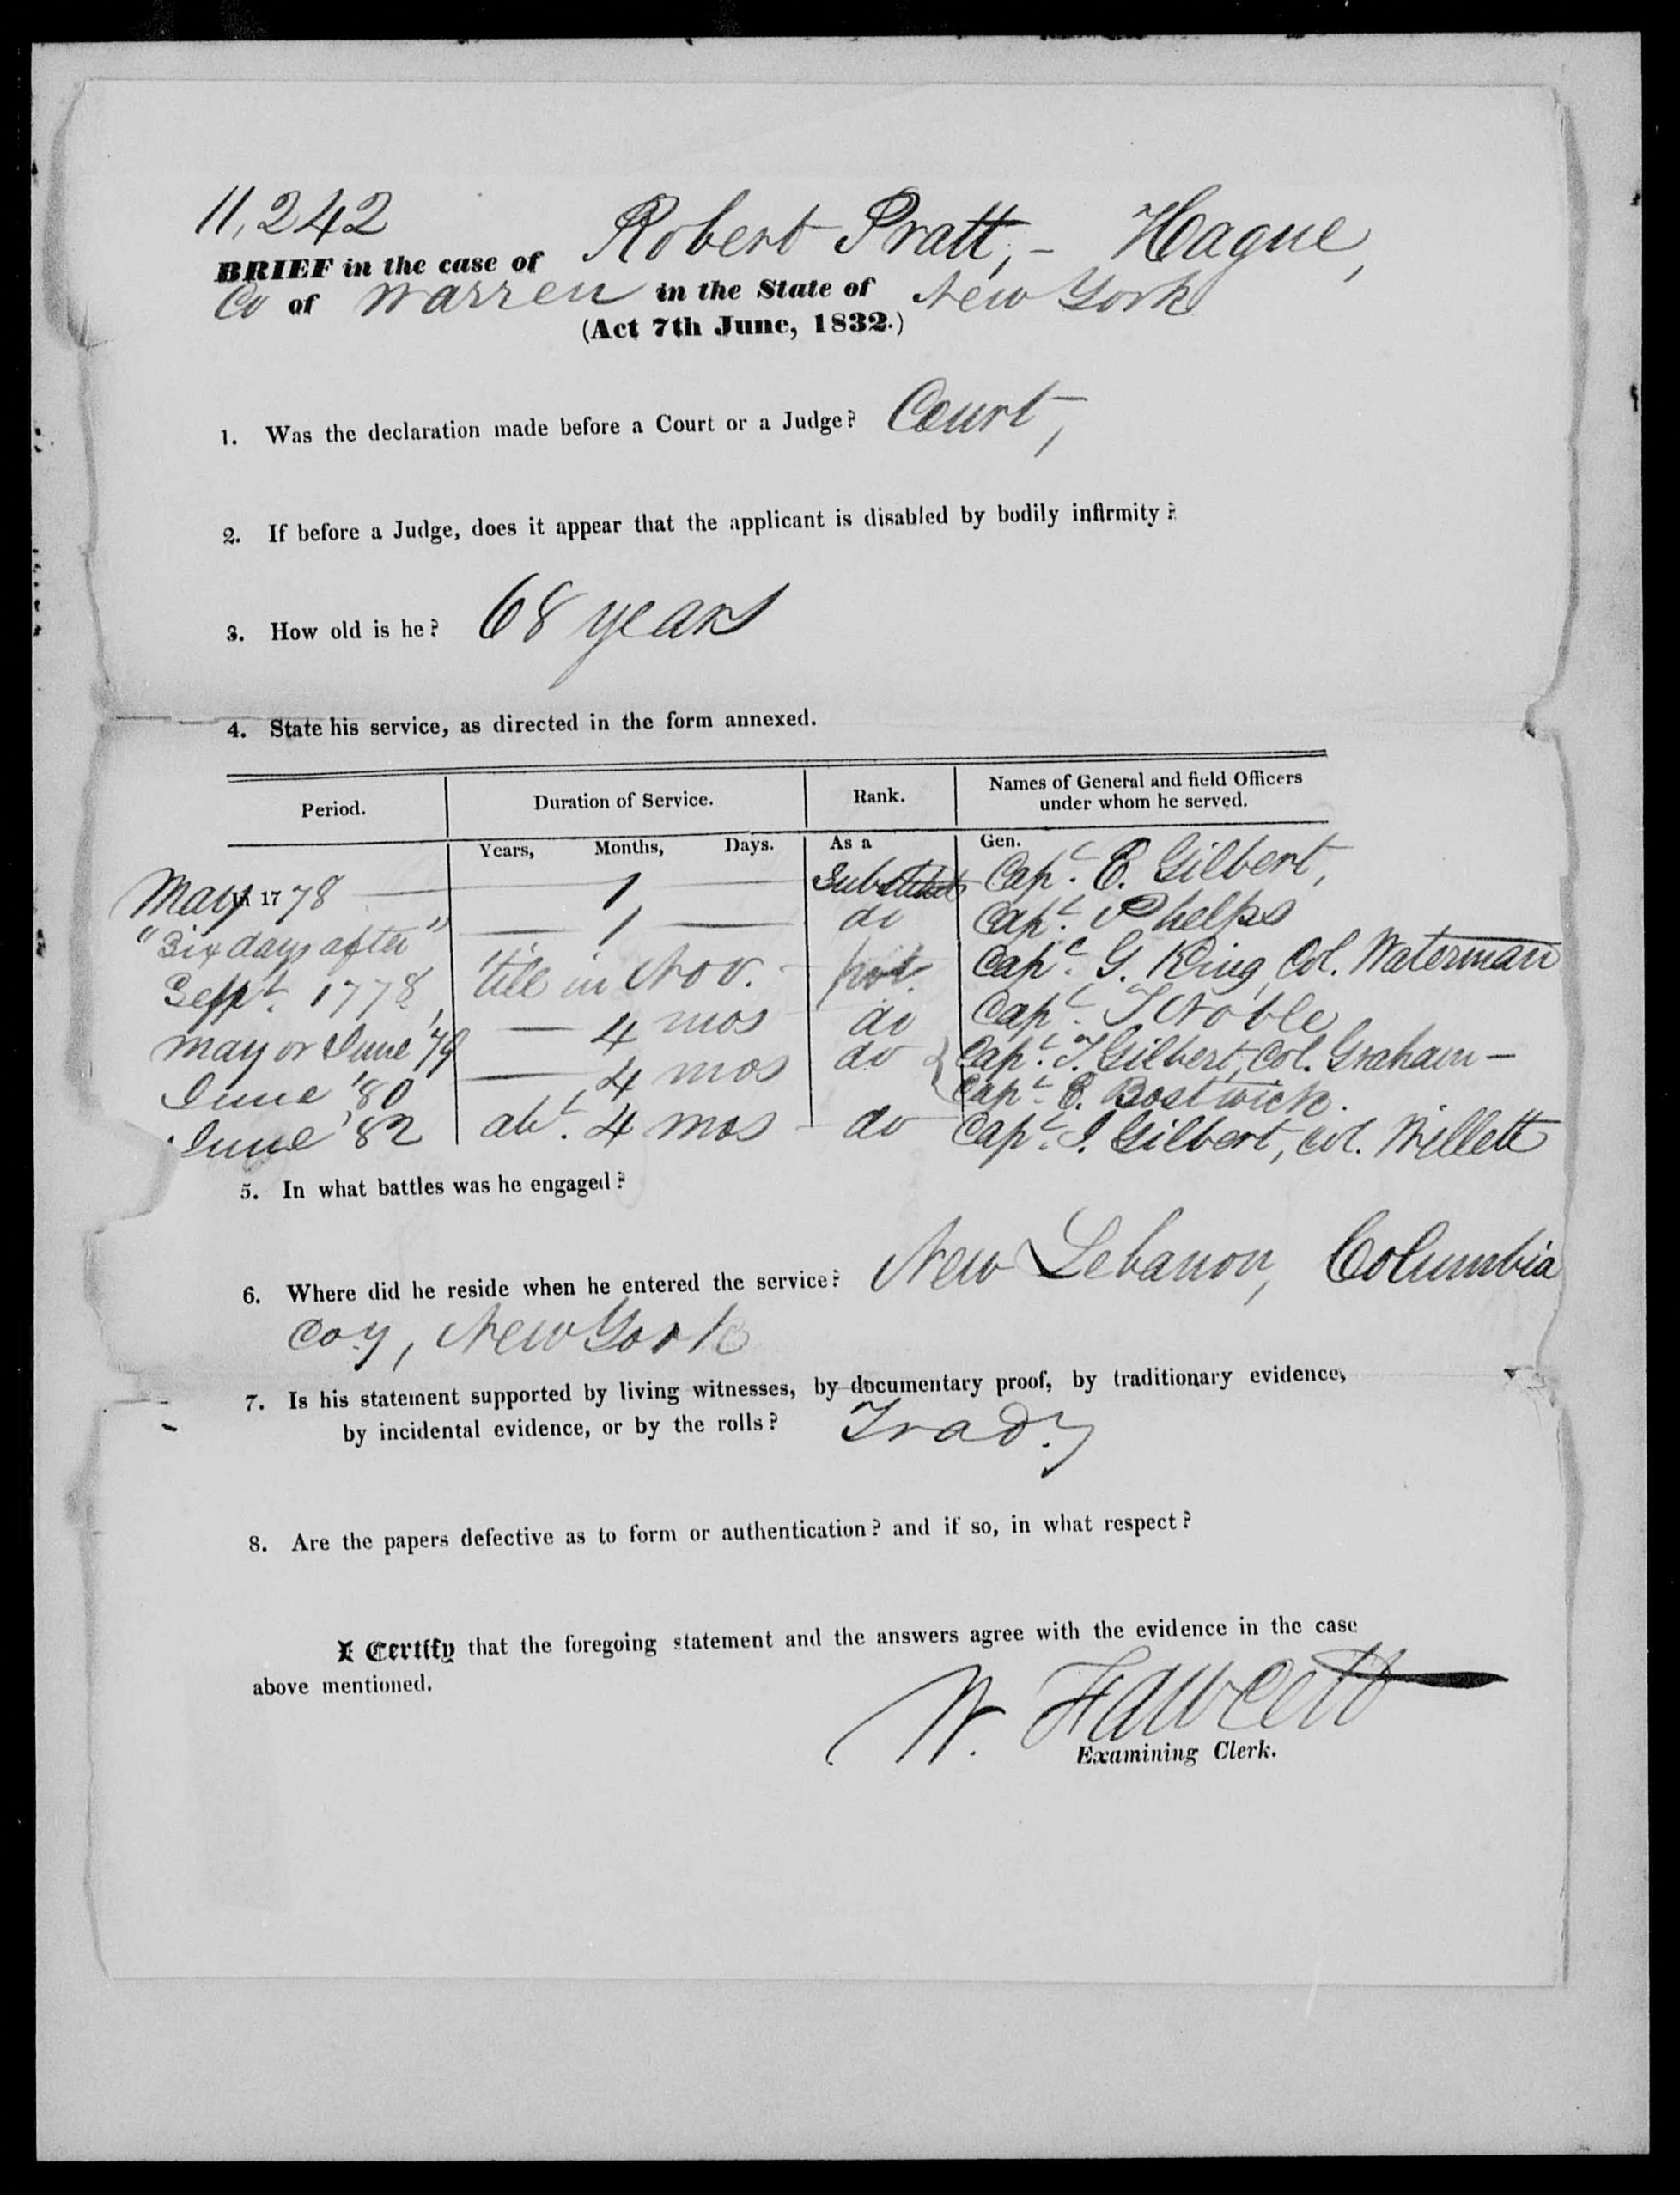11,242
BRIEF in the case of Robert Pratt, Hague,
Co of Warren in the State of New York
(Act 7th June, 1832.)

1. Was the declaration made before a Court or a Judge? Court
2. If before a Judge, does it appear that the applicant is disabled by bodily infirmity?
3. How old is he? 68 years
4. State his service, as directed in the form annexed.

Period.
(1) May 1778
Duration of Service. - 1 month
Rank:  As a substitute
Names of General & Field Officers under whom he served:  Capt. E. Gilbert
(2) "Six days after" [first period of service]
Duration:  1 mo.
Rank:  Substitute
Officers:  Capt. Phelps
(3) Sept. 1778
Duration:  Till in Nov.
Rank:  Pvt.
Officers:  Capt. G. King; Col. Waterman
(4) May or June '79
Duration:  4 mos.
Rank: Pvt.
Officers:  Capt. Teroble
(5) June '80
Duration:  4 mos.
Rank:  Pvt.
Officers:  Capt. T. Gilbert; Col. Graham
Capt. E. Bostwick
(6) June '82
Duration:  abt. 4 mos.
Rank:  Pvt.
Officers:  Capt. J. Gilbert; Col. Willett

5. In what battles was he engaged?
6. Where did he reside when he entered the service? New Lebanon Columbia Co., New York
7. Is his statement supported by living witnesses, by documentary proof, by traditionary evidence, by incidental evidence, or by the rolls? Trad'l
8. Are the papers defective as to form or authentication? and if so, in what respect?

I certify that the foregoing statement and the answers agree with the evidence in the case above mentioned.
W. Fawcett
Examining Clerk.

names: E Gilbert; [BLANK] Willett; [BLANK] Phelps; T Gilbert; Robert Pratt; Graham [BLANK]; [BLANK] Waterman; E Bostwick; W Fawcett; [BLANK] Teroble; G King; J Gilbert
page: 18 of 23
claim: survivor's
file: S. 14,229, for Robert Pratt, New York